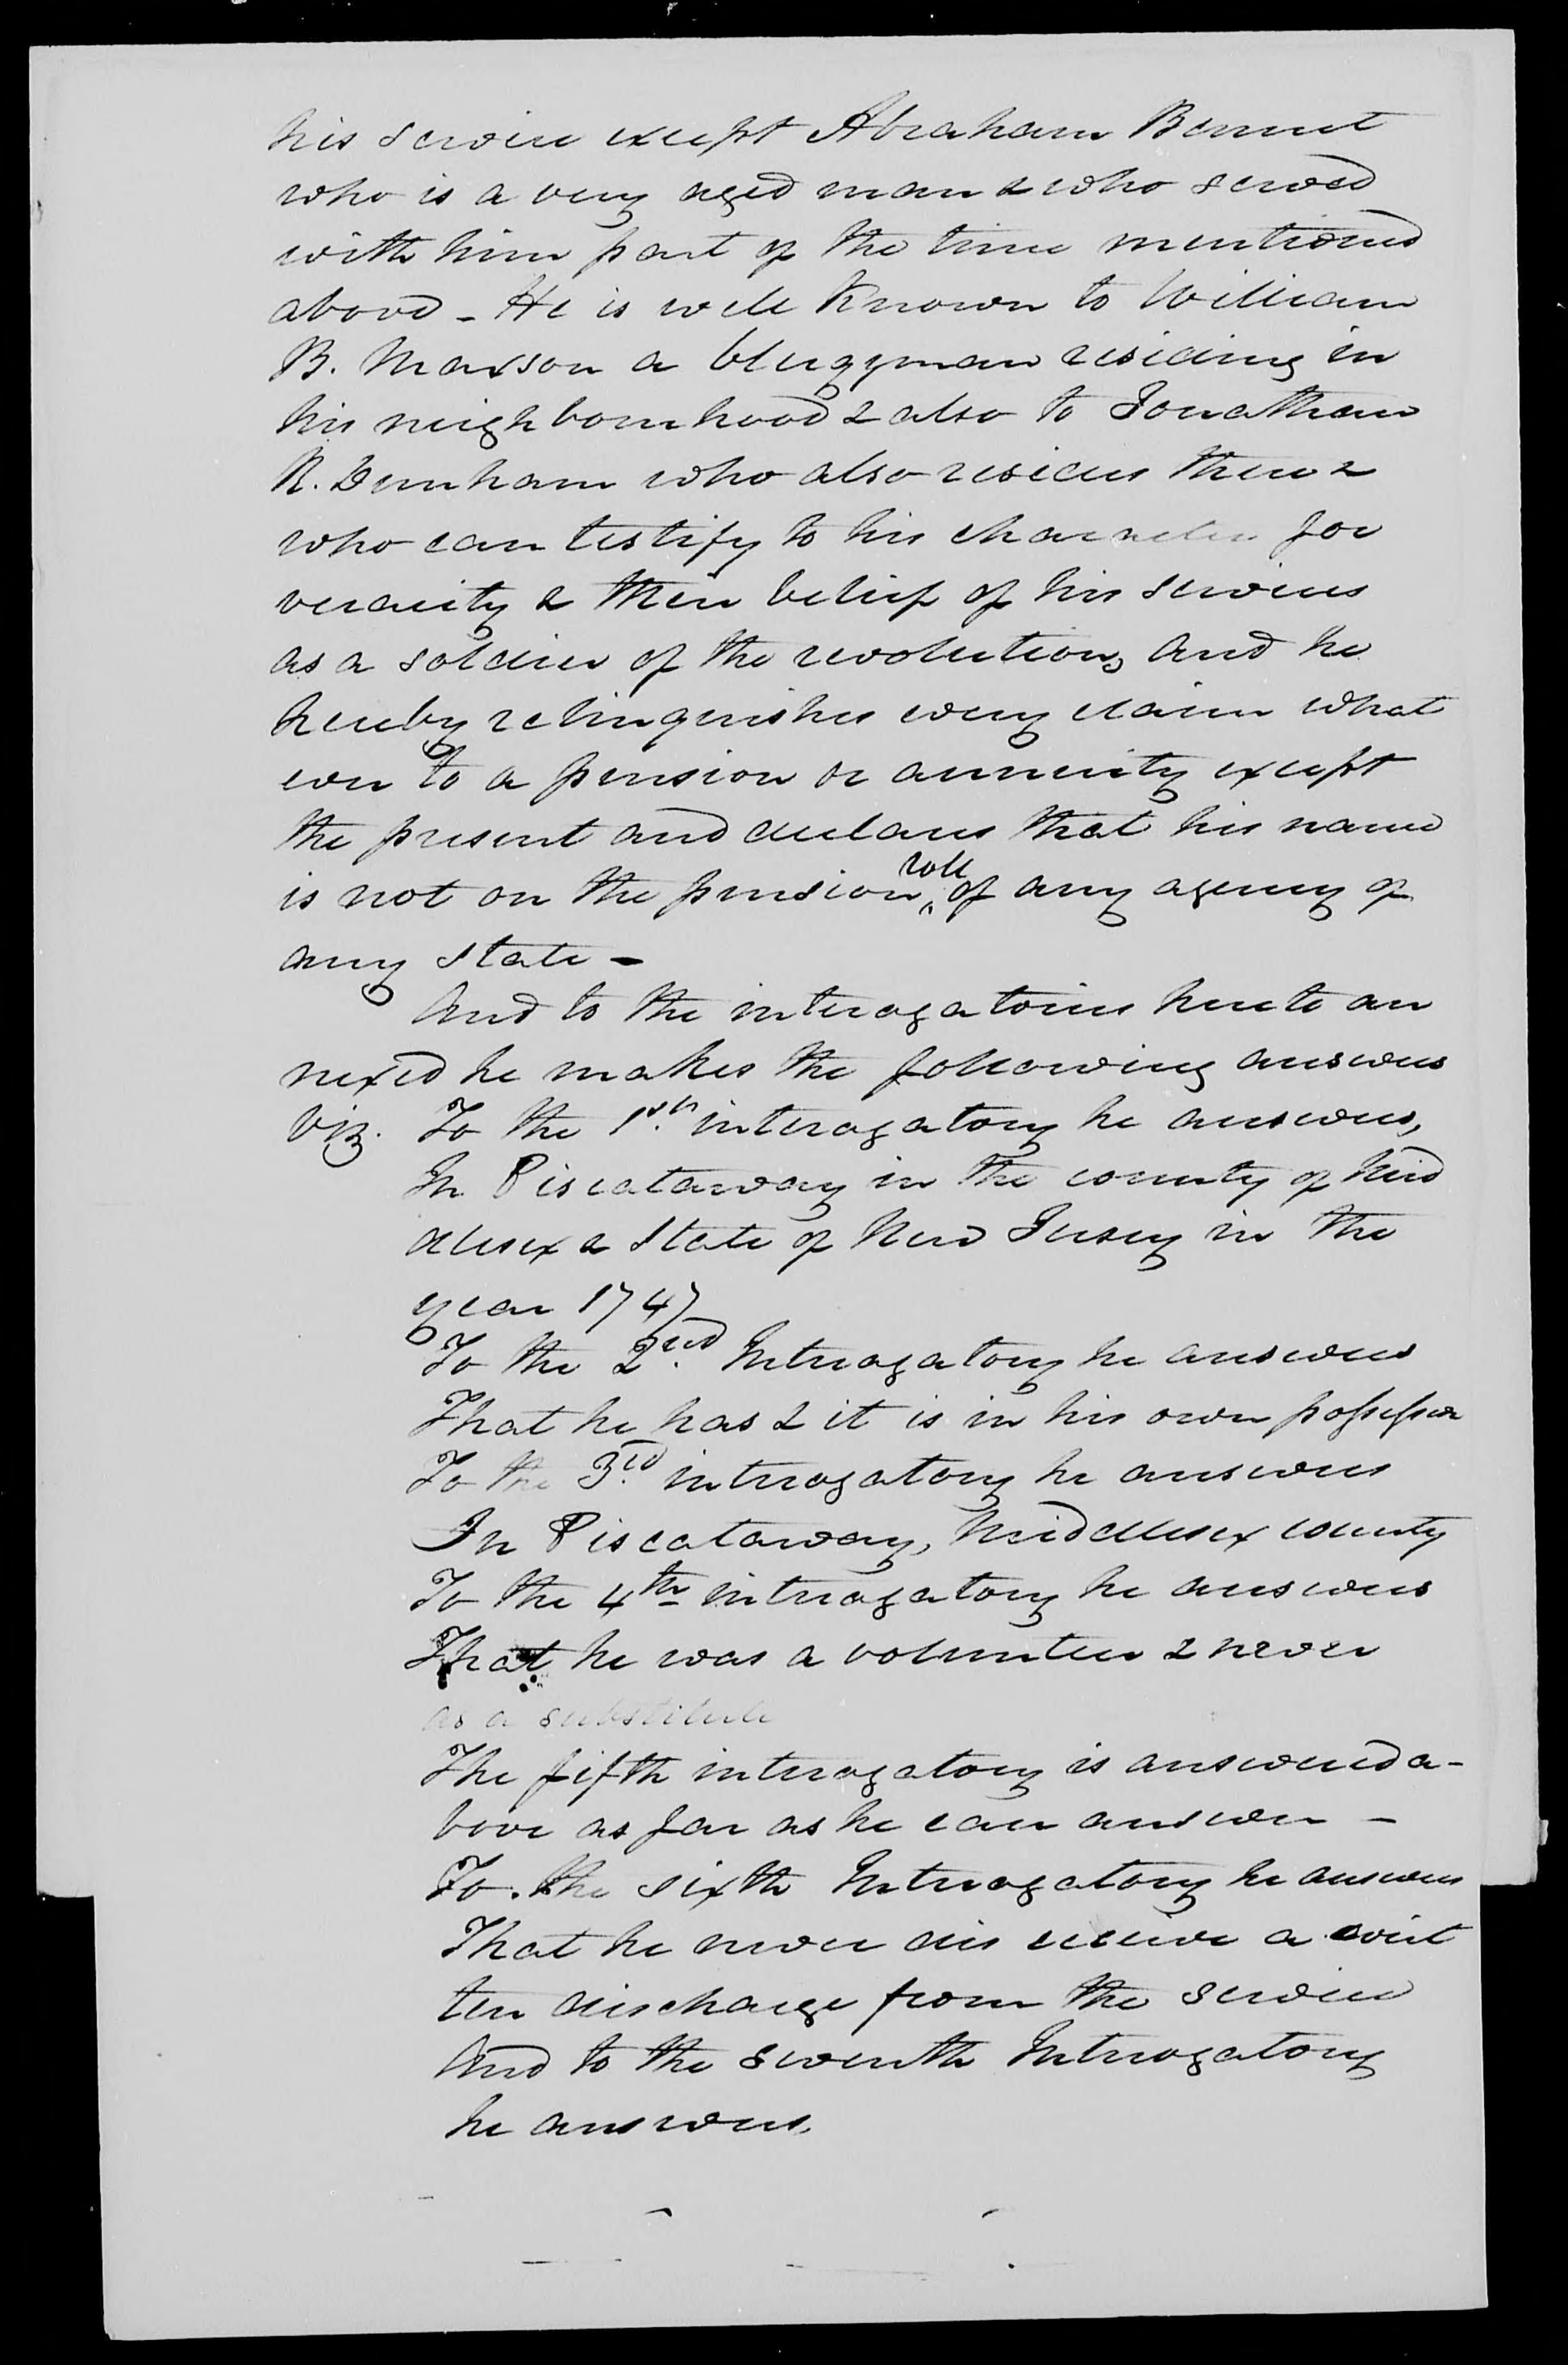his service except Abraham Bennet who is a very aged man & who served with him part of the time mentioned above. He is well known to William B. Maxson a Clergyman residing in his neighbourhood & also to Jonathan B. Dunham who also resides there & who can testify to his character for veracity & their belief of his services as a soldier of the revolution, and he hereby relinquishes every claim whatever to a pension or annuity except the present and declares that his name is not on the pension roll of any agency of any state.
And to the interogatories hereto annexed he makes the following answers viz. To the 1st interogatory he answers, In Piscataway in the county of Middlesex & State of New Jersey in the year 1747
To the 2nd Interogatory he answers That he has & it is in his own possession
To the 3rd interogatory he answers In Piscataway, Middlesex county
To the 4th interogatory he answers That he was a volunteer & never as a substitute
The fifth interogatory is answered above as far as he can answer.
To the sixth interogatory he answers That he never did receive a written discharge from the service
And to the seventh interogatory he answers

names: Abraham Bennet, William B Maxson, Jonathan R Dunham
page: 10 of 52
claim: widow's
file: W. 919, Joel Dunn, New Jersey